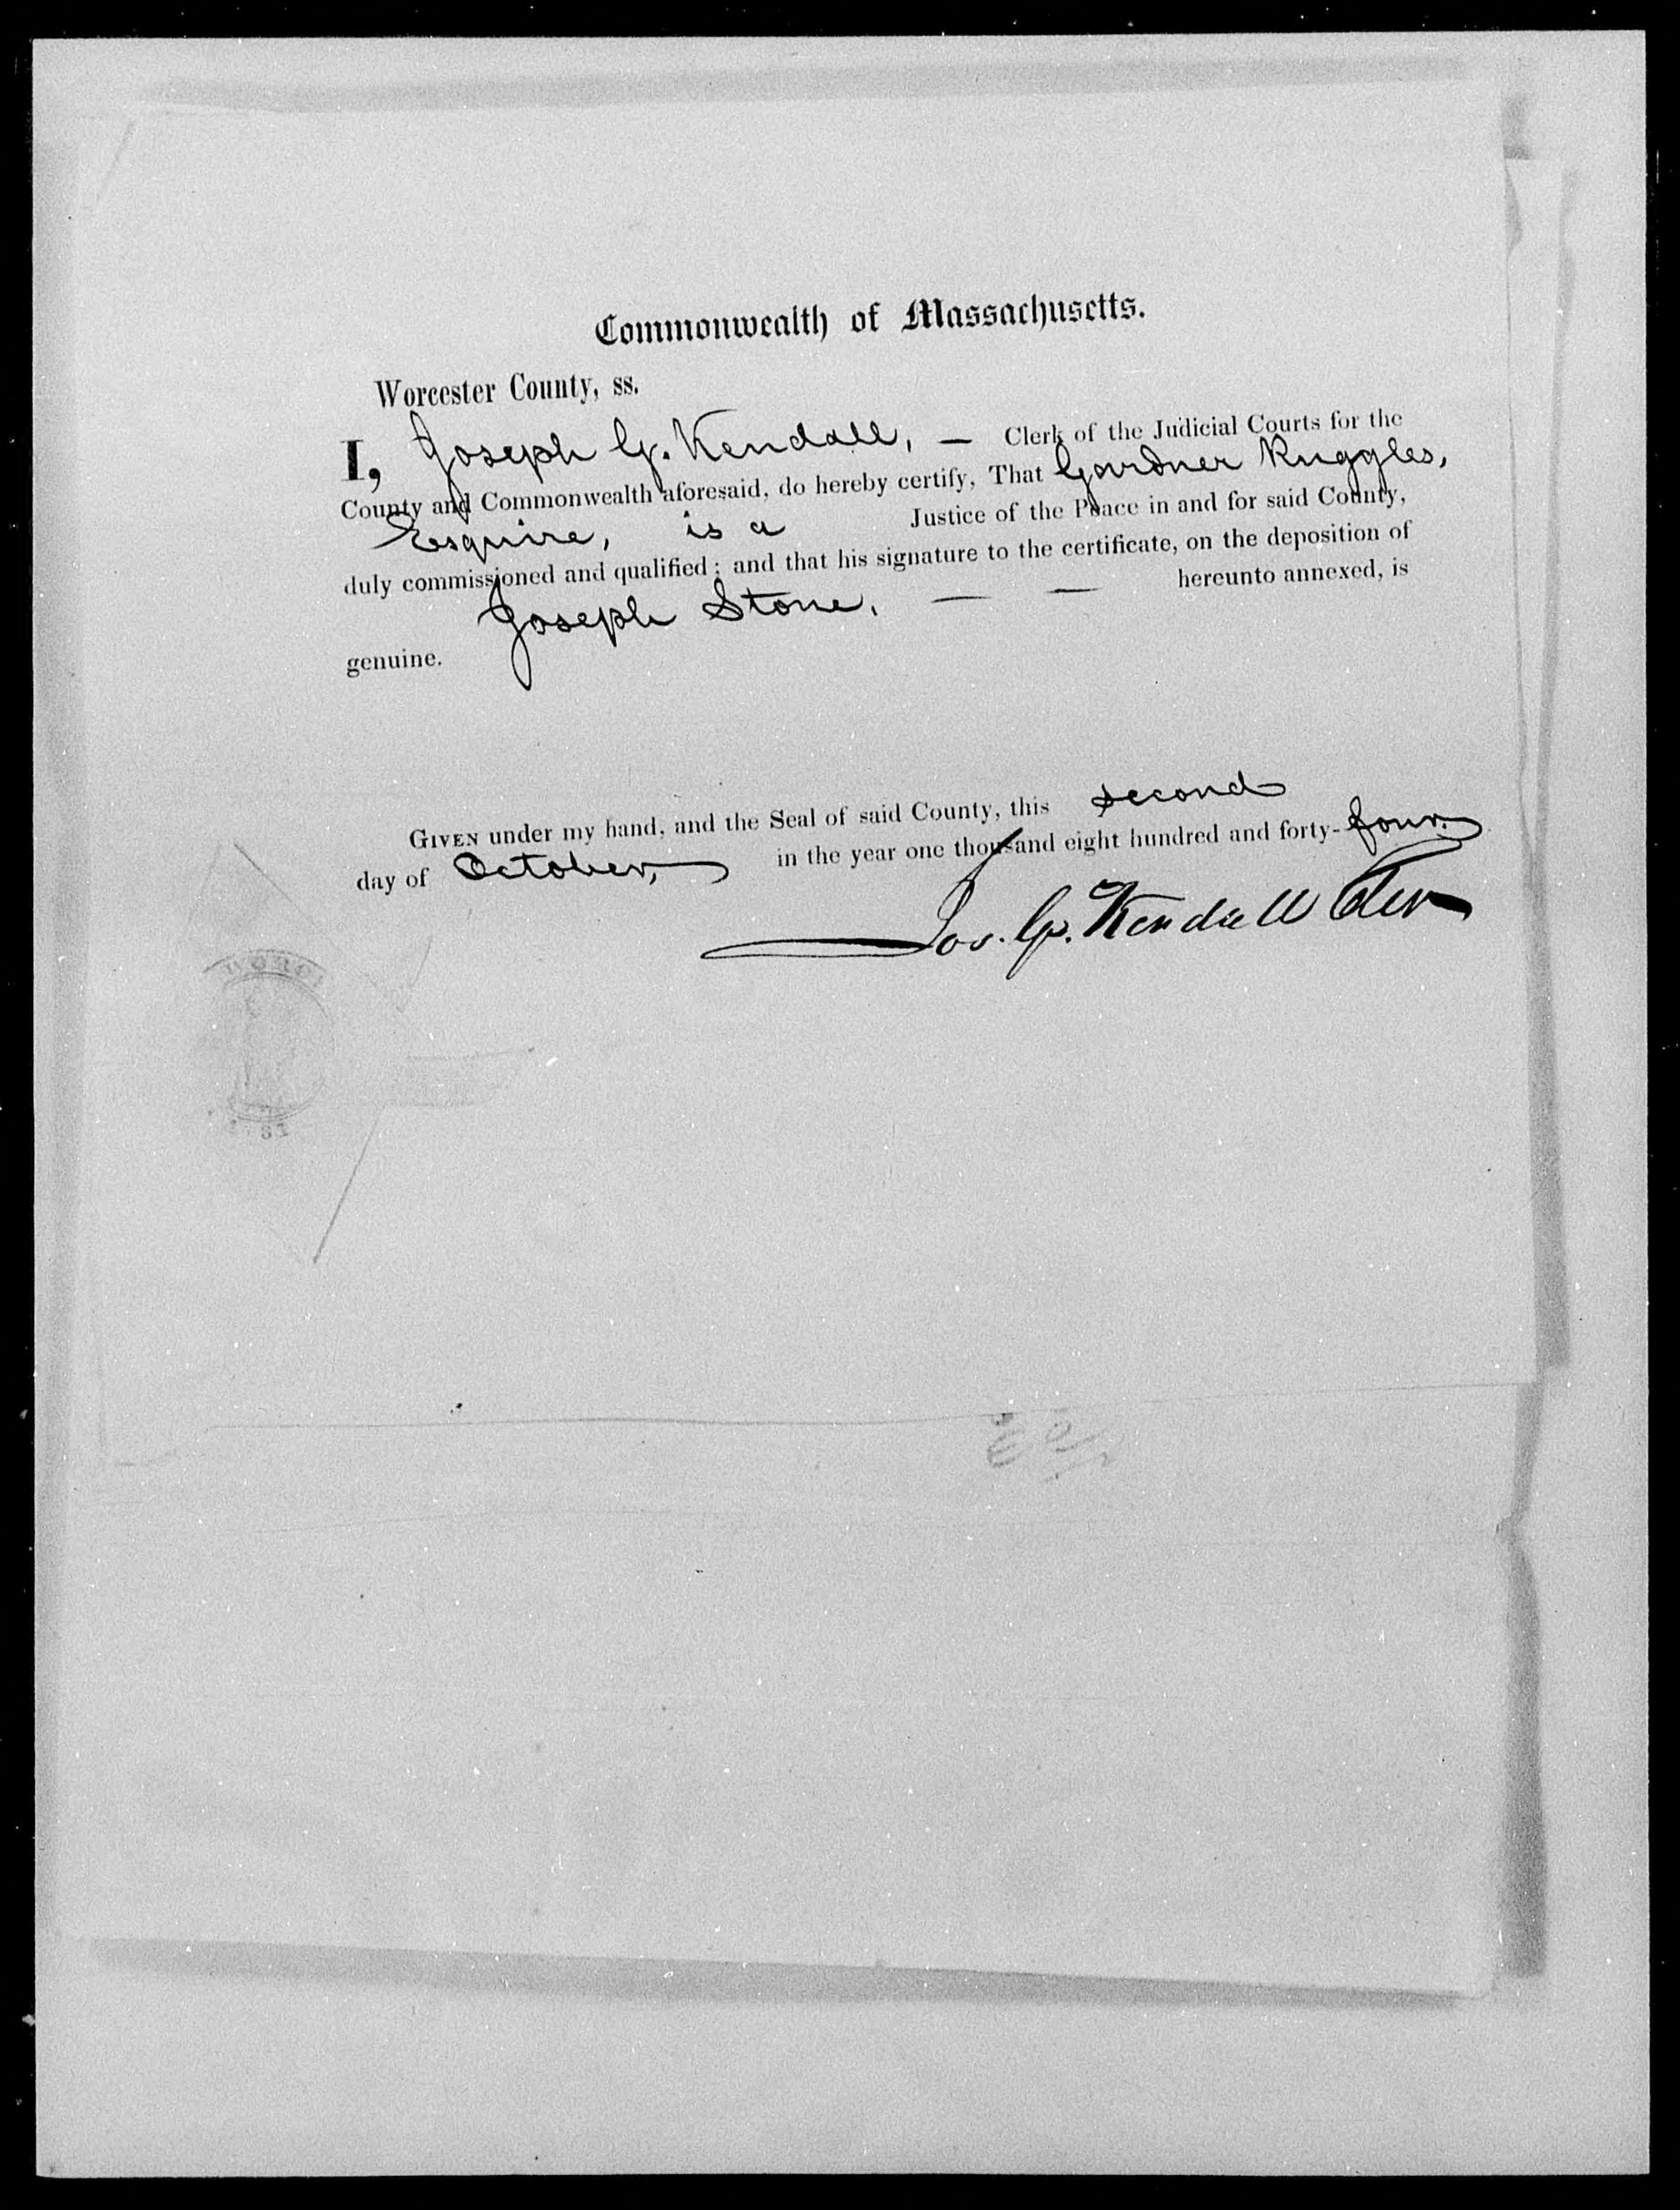Commonwealth of Massachusetts
Worcester County, ss.
I, Joseph G. Kendall, Clerk of the Judicial Courts for the
County and Commonwealth aforesaid, do hereby certify, That Gardner Ruggles,
Esquire, is a Justice of the Peace in and for said County,
duly commissioned and qualified; and that his signature to the certificate, on the deposition of Joseph Stone, hereunto annexed, is
genuine.
GIVEN under my hand, and the Seal of said County, this second
day of October, in the year one thousand eight hundred and forty - four.
Jos. G. Kendall [illegible]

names: Joseph Stone; Gardner Ruggles; Joseph G Kendall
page: 15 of 40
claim: widow's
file: W. 15168, for Foster Paige, Massachusetts